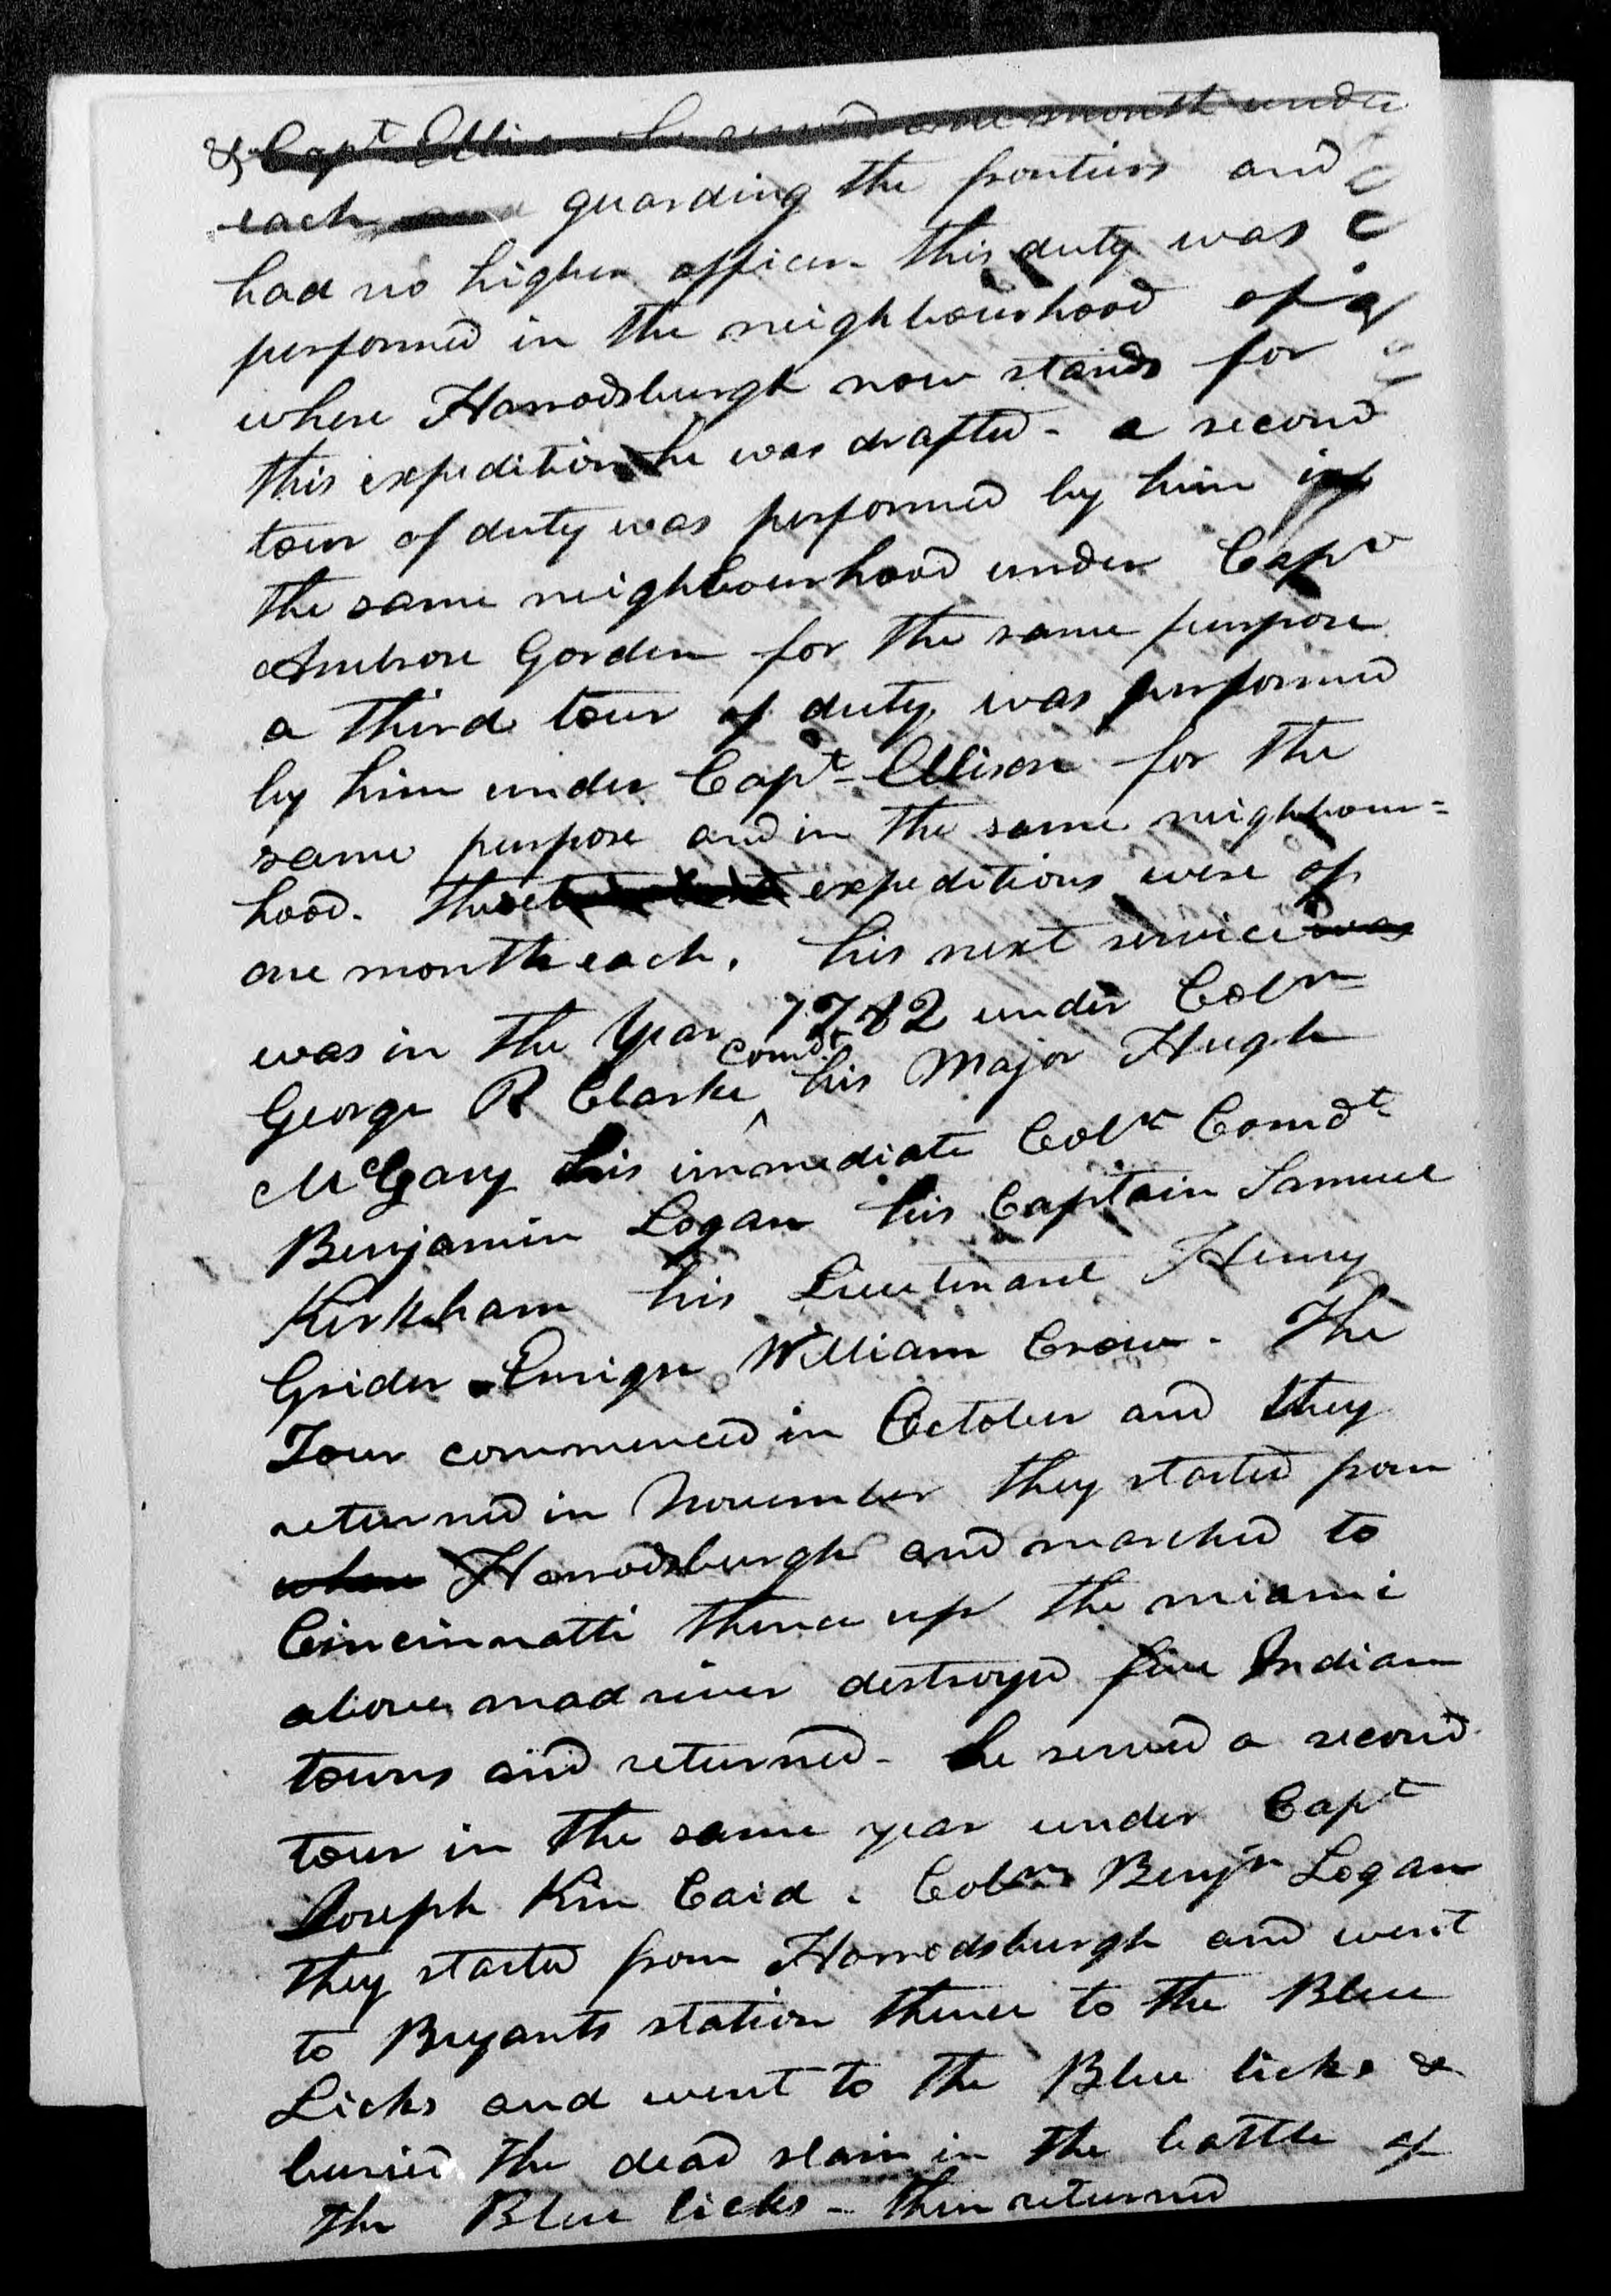guarding the frontier and had no higher officer. This duty was performed in the neighborhood of where Harrisburgh now stands for this expedition was drafted. A second tour of duty was performed by him in the same neighborhood under Cpt. Ambrose Gorden for the same purpose. A third tour of duty was performed by him under Capt. Collins for the same purpose and in the same neighborhood. These expeditions were of one month each. His next service was in the year 1782 under Col George R Clark commander Major Hugh McGary his immediate Col. Comdt. Benjamin Logan his Captain Samuel Kirkham his Lieutenant Henry Grider Ensign William Crow. The tour commenced in October and they returned in November. They started from Harrisburgh and marched to Cincinnati thence up the [illegible] river destroyed five Indian towns and returned. He served a second tour in the same year under Capt Joseph KinCaid. Col Benjamin Logan they started from Harrisburgh and went to Brayant's station thence to the Blue Licks and went to the Blue Licks & buried the dead slain in the battle of the Blue Licks -- then returned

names: Henry Grider, Joseph Kin Caid, Samuel Kirkham, Benjamin Logan, William Crow, Hugh Mc Gary, George R Clark, Benjn Logan, Ellison, Ambrose Gorden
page: 6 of 49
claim: widow's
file: W. 2518, James Brenton, Va.